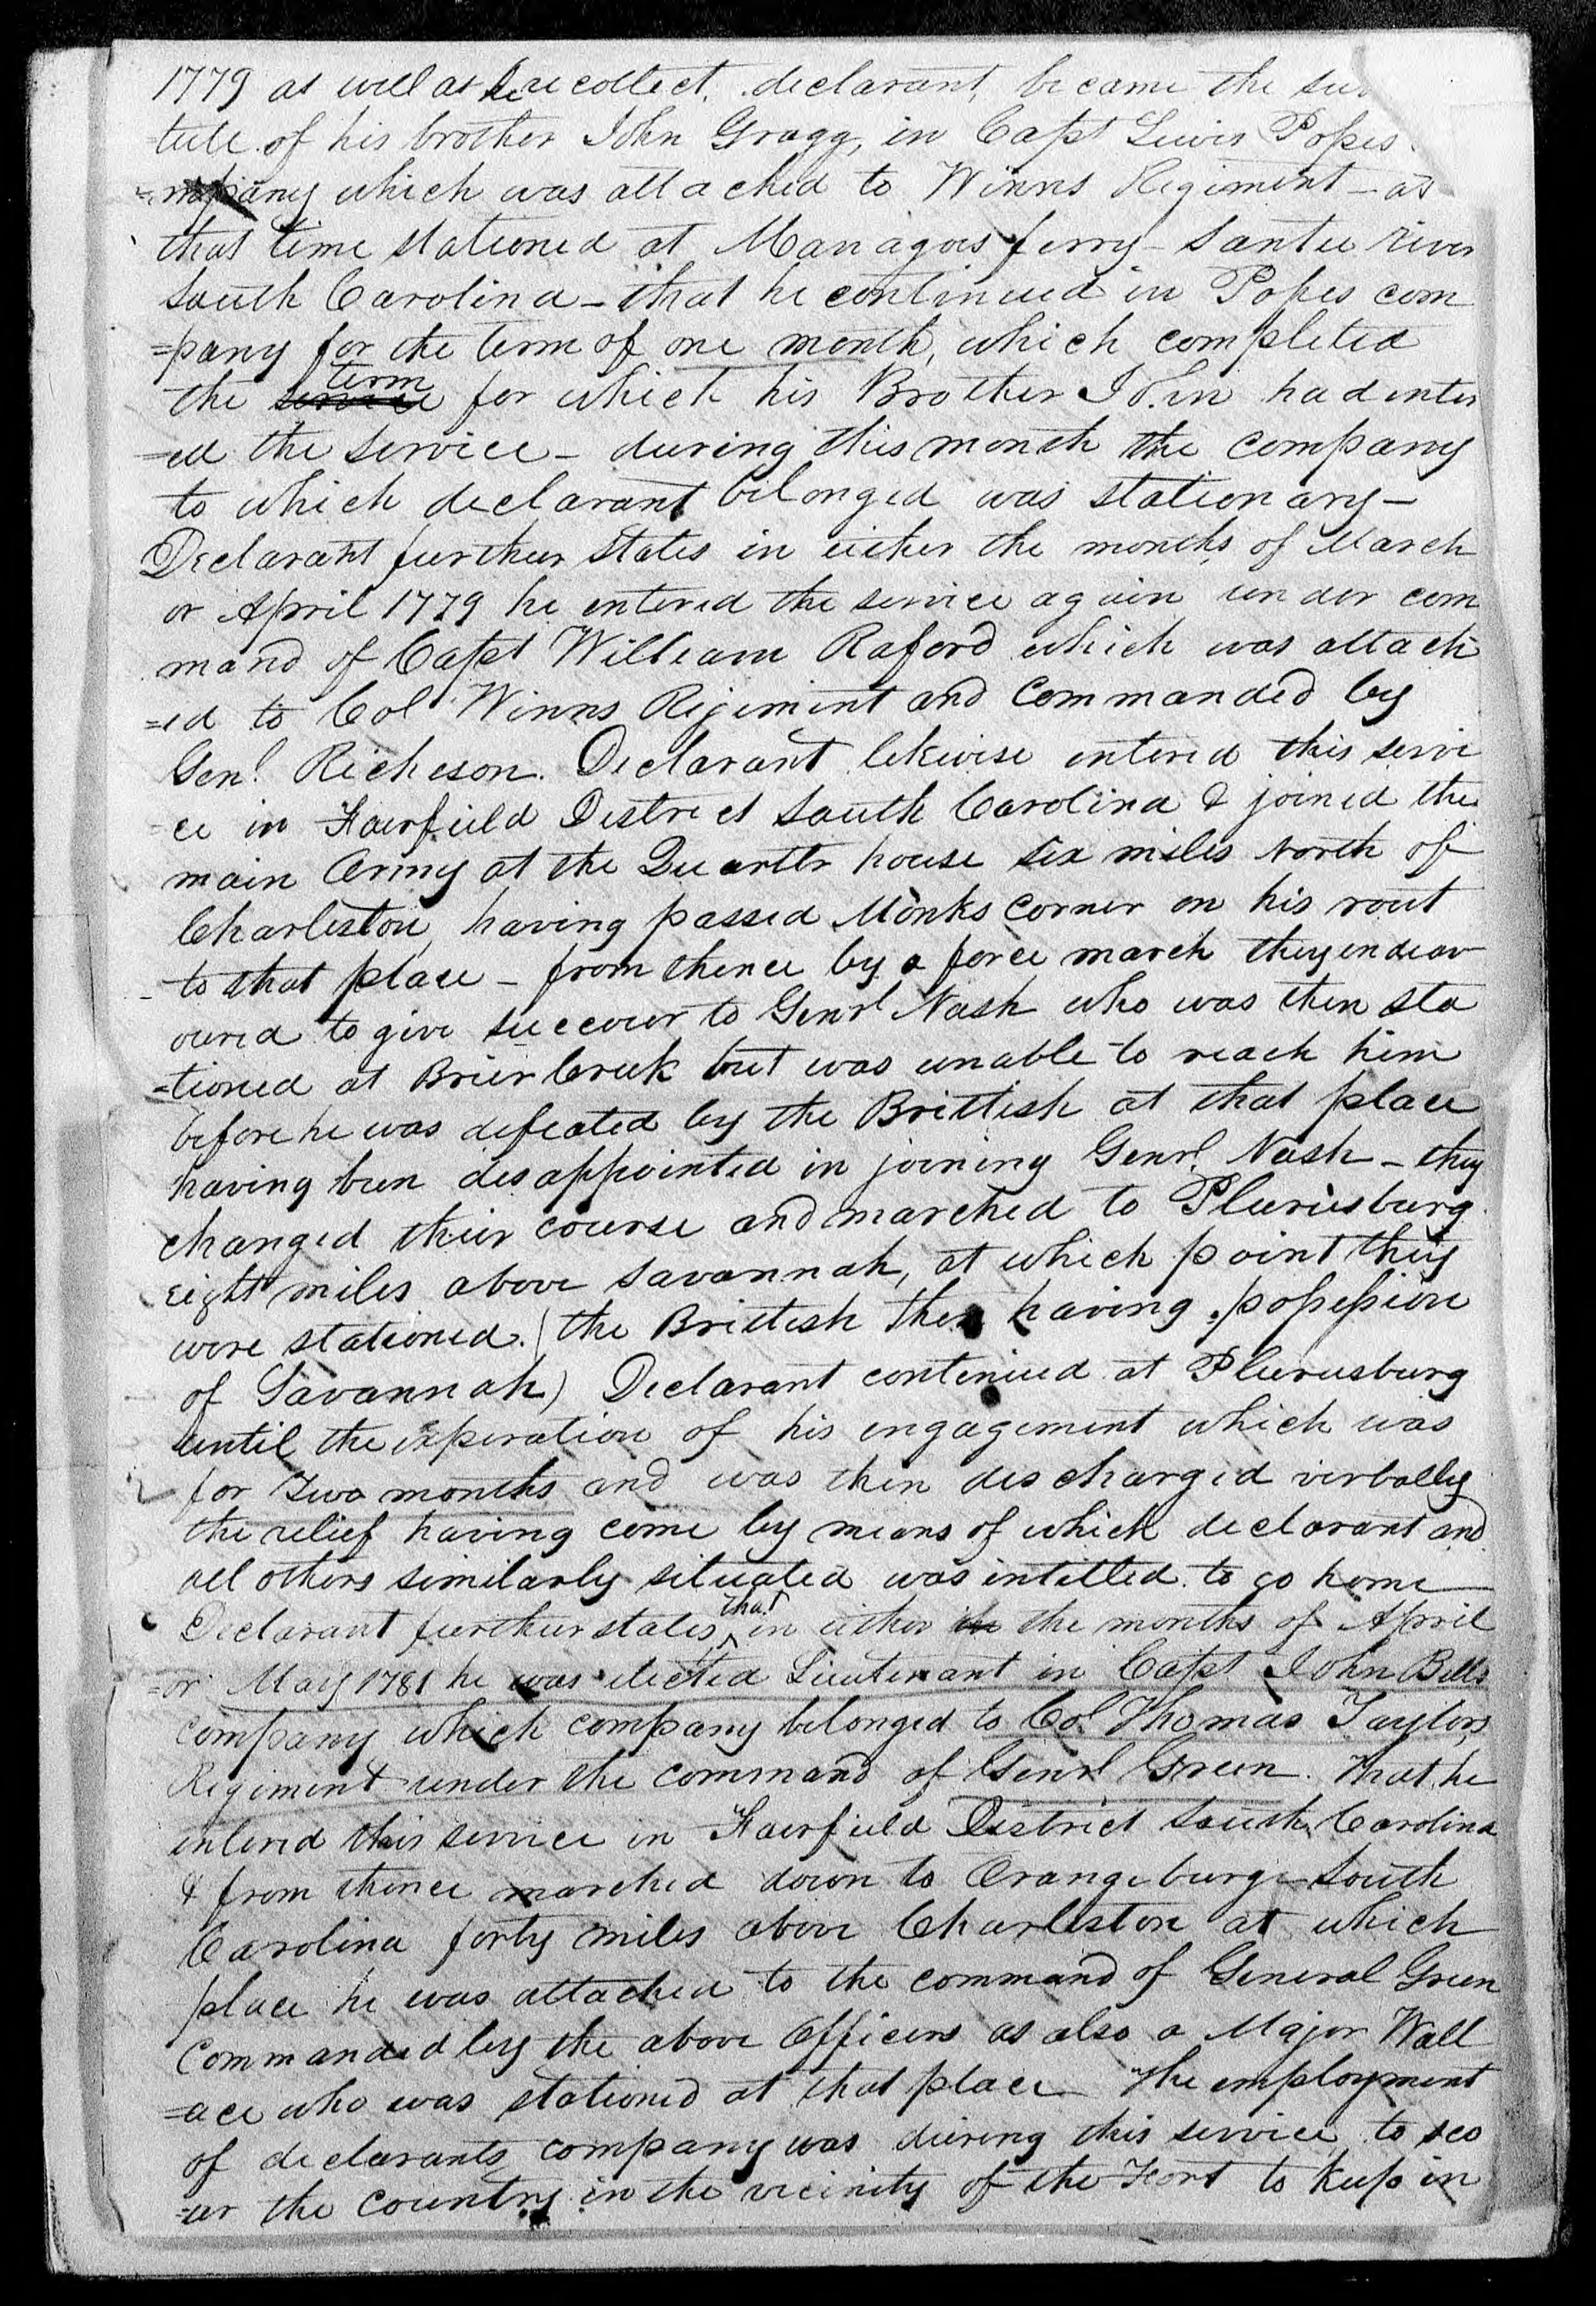1779 as well as  I recollect  declarant became the substitute of his brother  John Gragg in Capt. Lewis  Pope's  company  which  was attached to  Winn's Regiment  at that time  stationed at Managor's ferry  - Santee river  South Carolina - that he continued  in Pope's company  for the term of one month , which completed the term for which his brother John had entered the service - during this month the company to which declarant belonged  was stationary  - Declarant  further states in either the months of March or April 1779  he entered the service  again  under command of Capt. William Raford which was attached to Col. Winn's Regiment  and commanded by Genl. Richeson . Declarant  likewise entered tis service in Fairfield District South Carolina  & joined the main  Army  at the Quartt's house six miles north of Charleston having passed Monk's Corner on his route to that place - from thence  by a  forced march they they endured to give success to  Genl. Nash  who was them stationed at Brier Creek but was unable to reach him before he was defeated by the British at that place having been disappointed in joining Genl. Nash  - they changed their course and marched to  Plurisburg eight miles above  Savannah at which point  they were stationed. The British  then having possession of Savannah  Declarant continued at Plurisburg until the expiration of his engagement which was for two months and was then discharged verbally  , the relief having come by means of  which declarant and others similarly situated were entitled to go home. declarant further states that in  either the months of April or May 1781  he was elected Lieutenant  in Capt. John  Bill's company  which company belonged to Col. Thomas Taylor 's Regiment  under the command of Genl Green. That he  entered the service  in Fairfield District South Carolina  & from thence marched down to Orangeburg  South Carolina forty miles above Charleston at which place he was attached to the command of General Green commanded by the above officers as also a Major Wallace who was stationed  at that place. The employment  of declarant's company was during this service to  secure the country  in the vicinity of the  Fort to keep in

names: Thomas Taylor, Nash, Wallace, Richeson, Nash, William Raford, Green, John, John Gragg, Green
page: 5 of 18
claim: survivor's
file: S. 10,773, Henry Gragg, S.C.